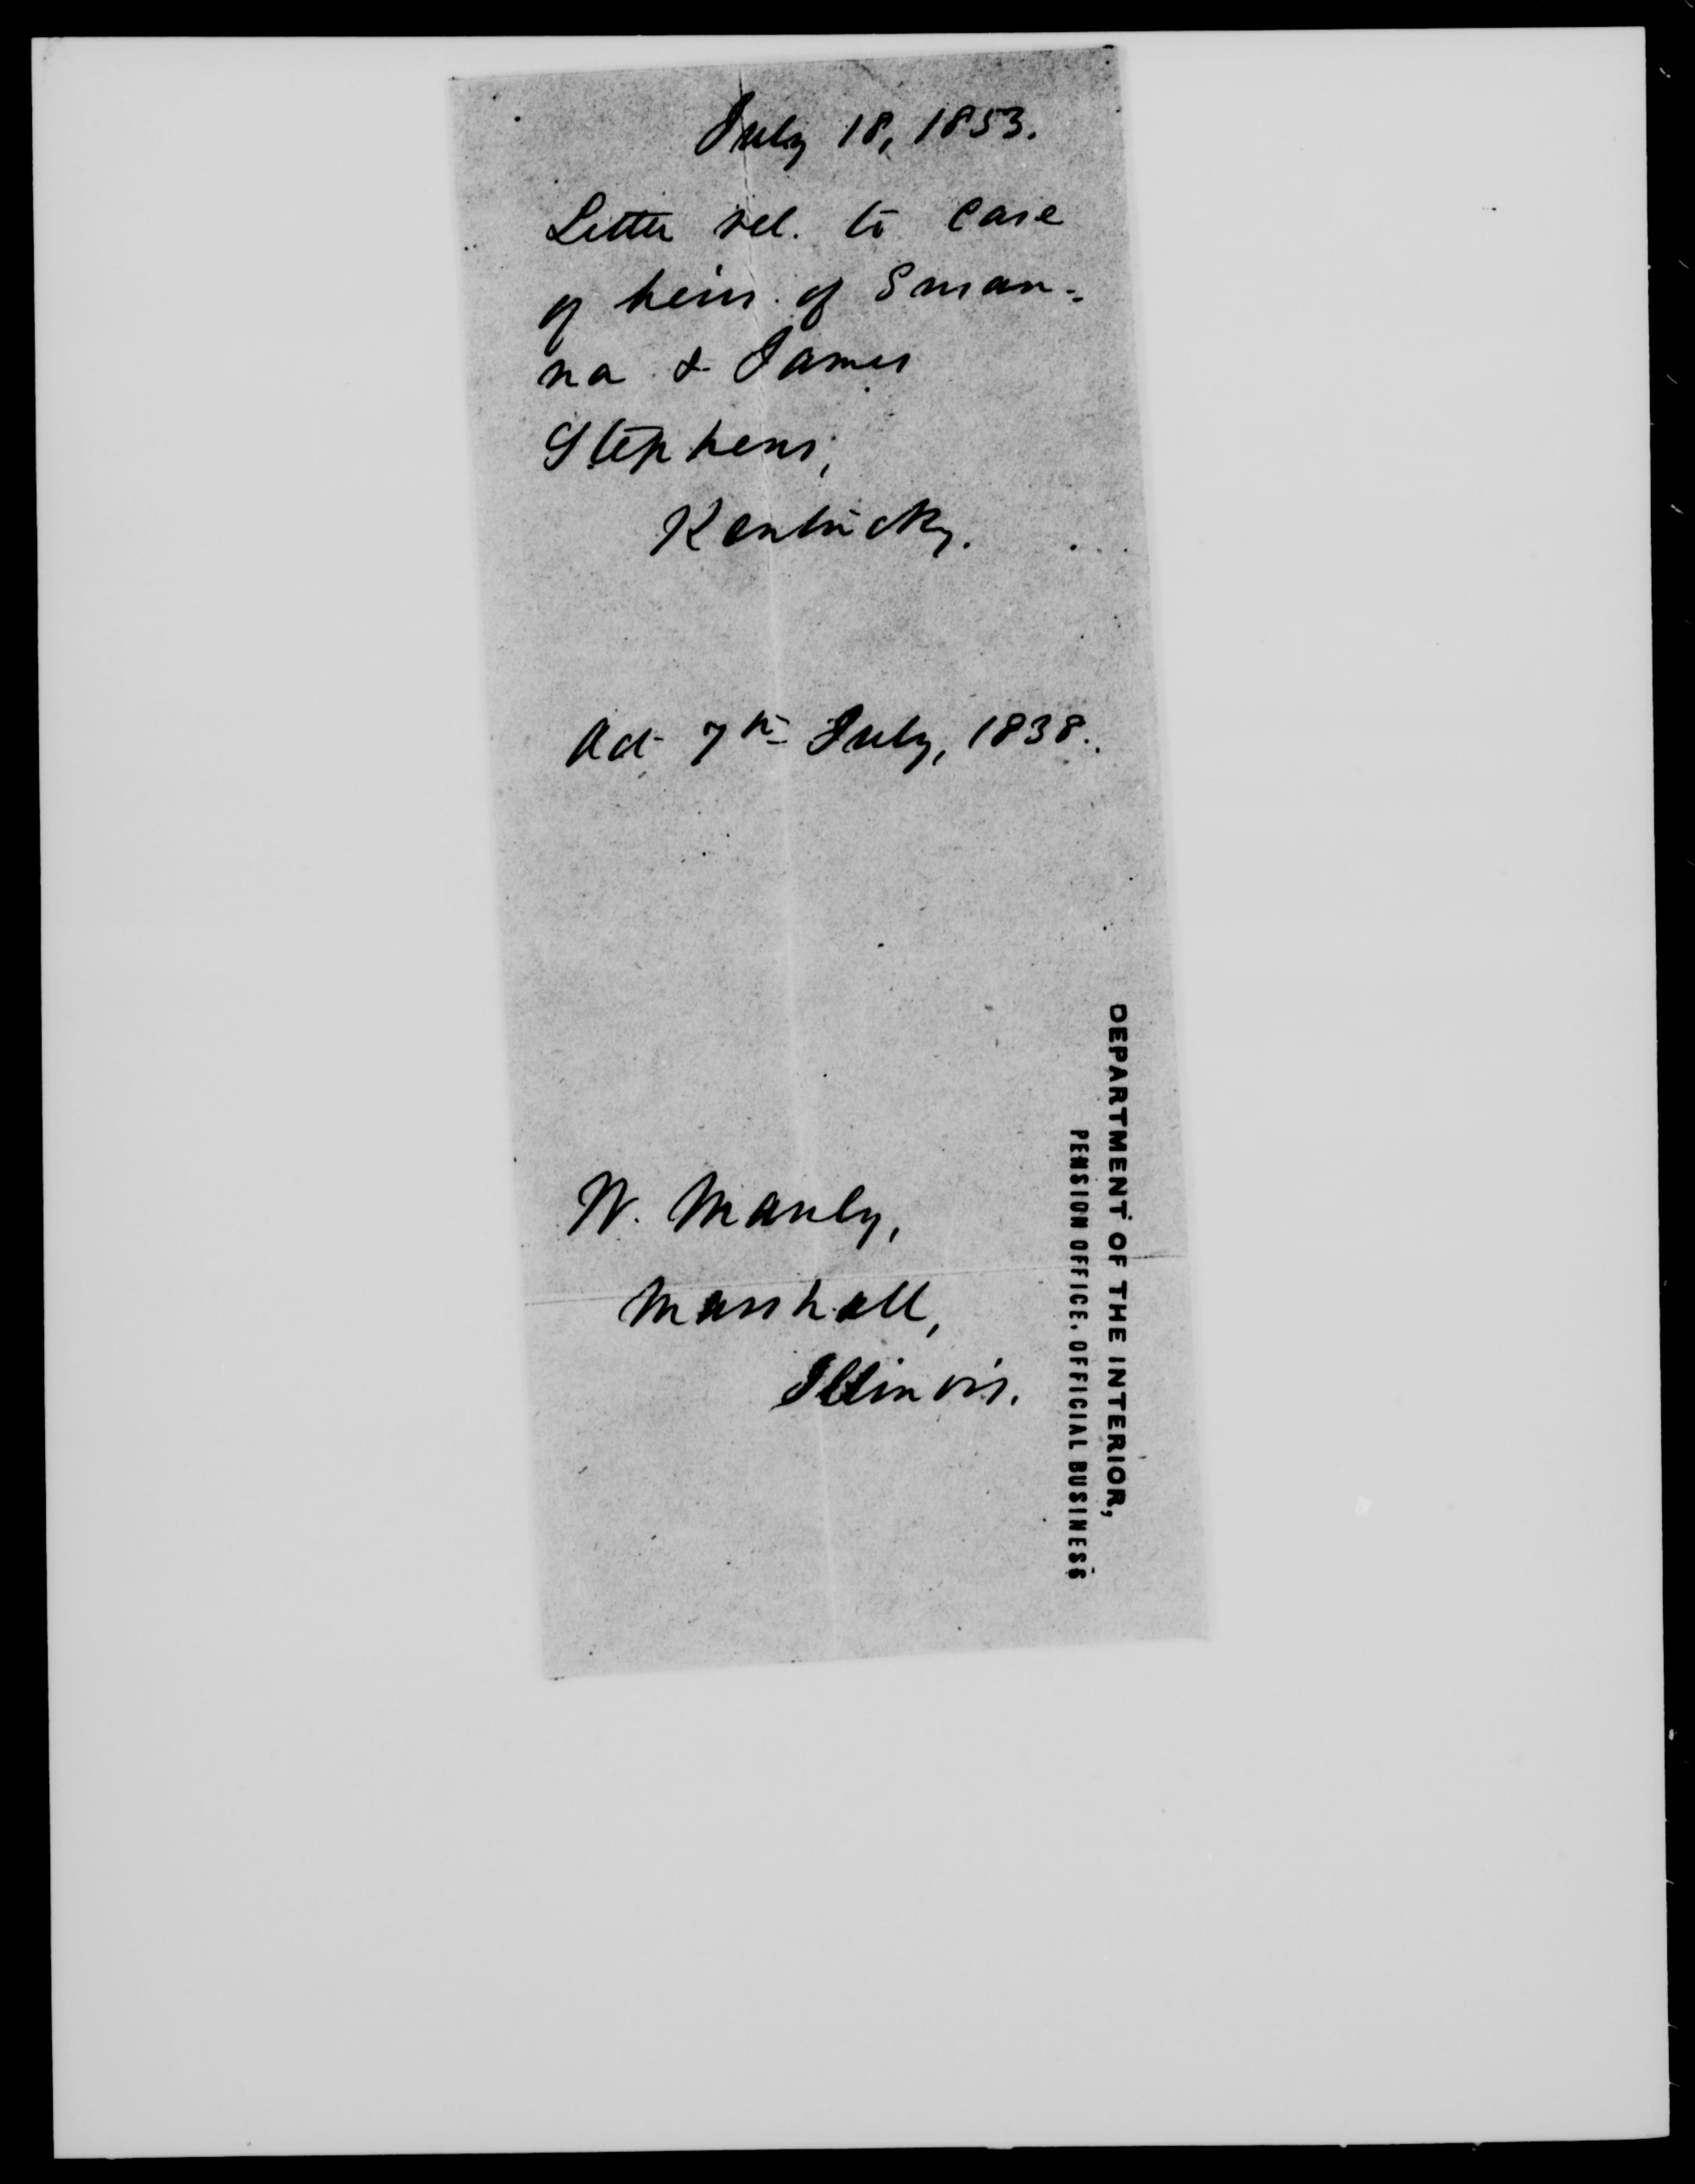July 18, 1853.
Letter rel. to case of heirs of Susanna and James Stephens,
Kentucky
Act 7th July 1838
W. Manly,
Manhall
Illinois
DEPARTMENT OF THE INTERIOR,
PENSION OFFICE OFFICIAL BUSINESS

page: 49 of 99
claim: widow's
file: W 8766, for James Stevens, Virginia